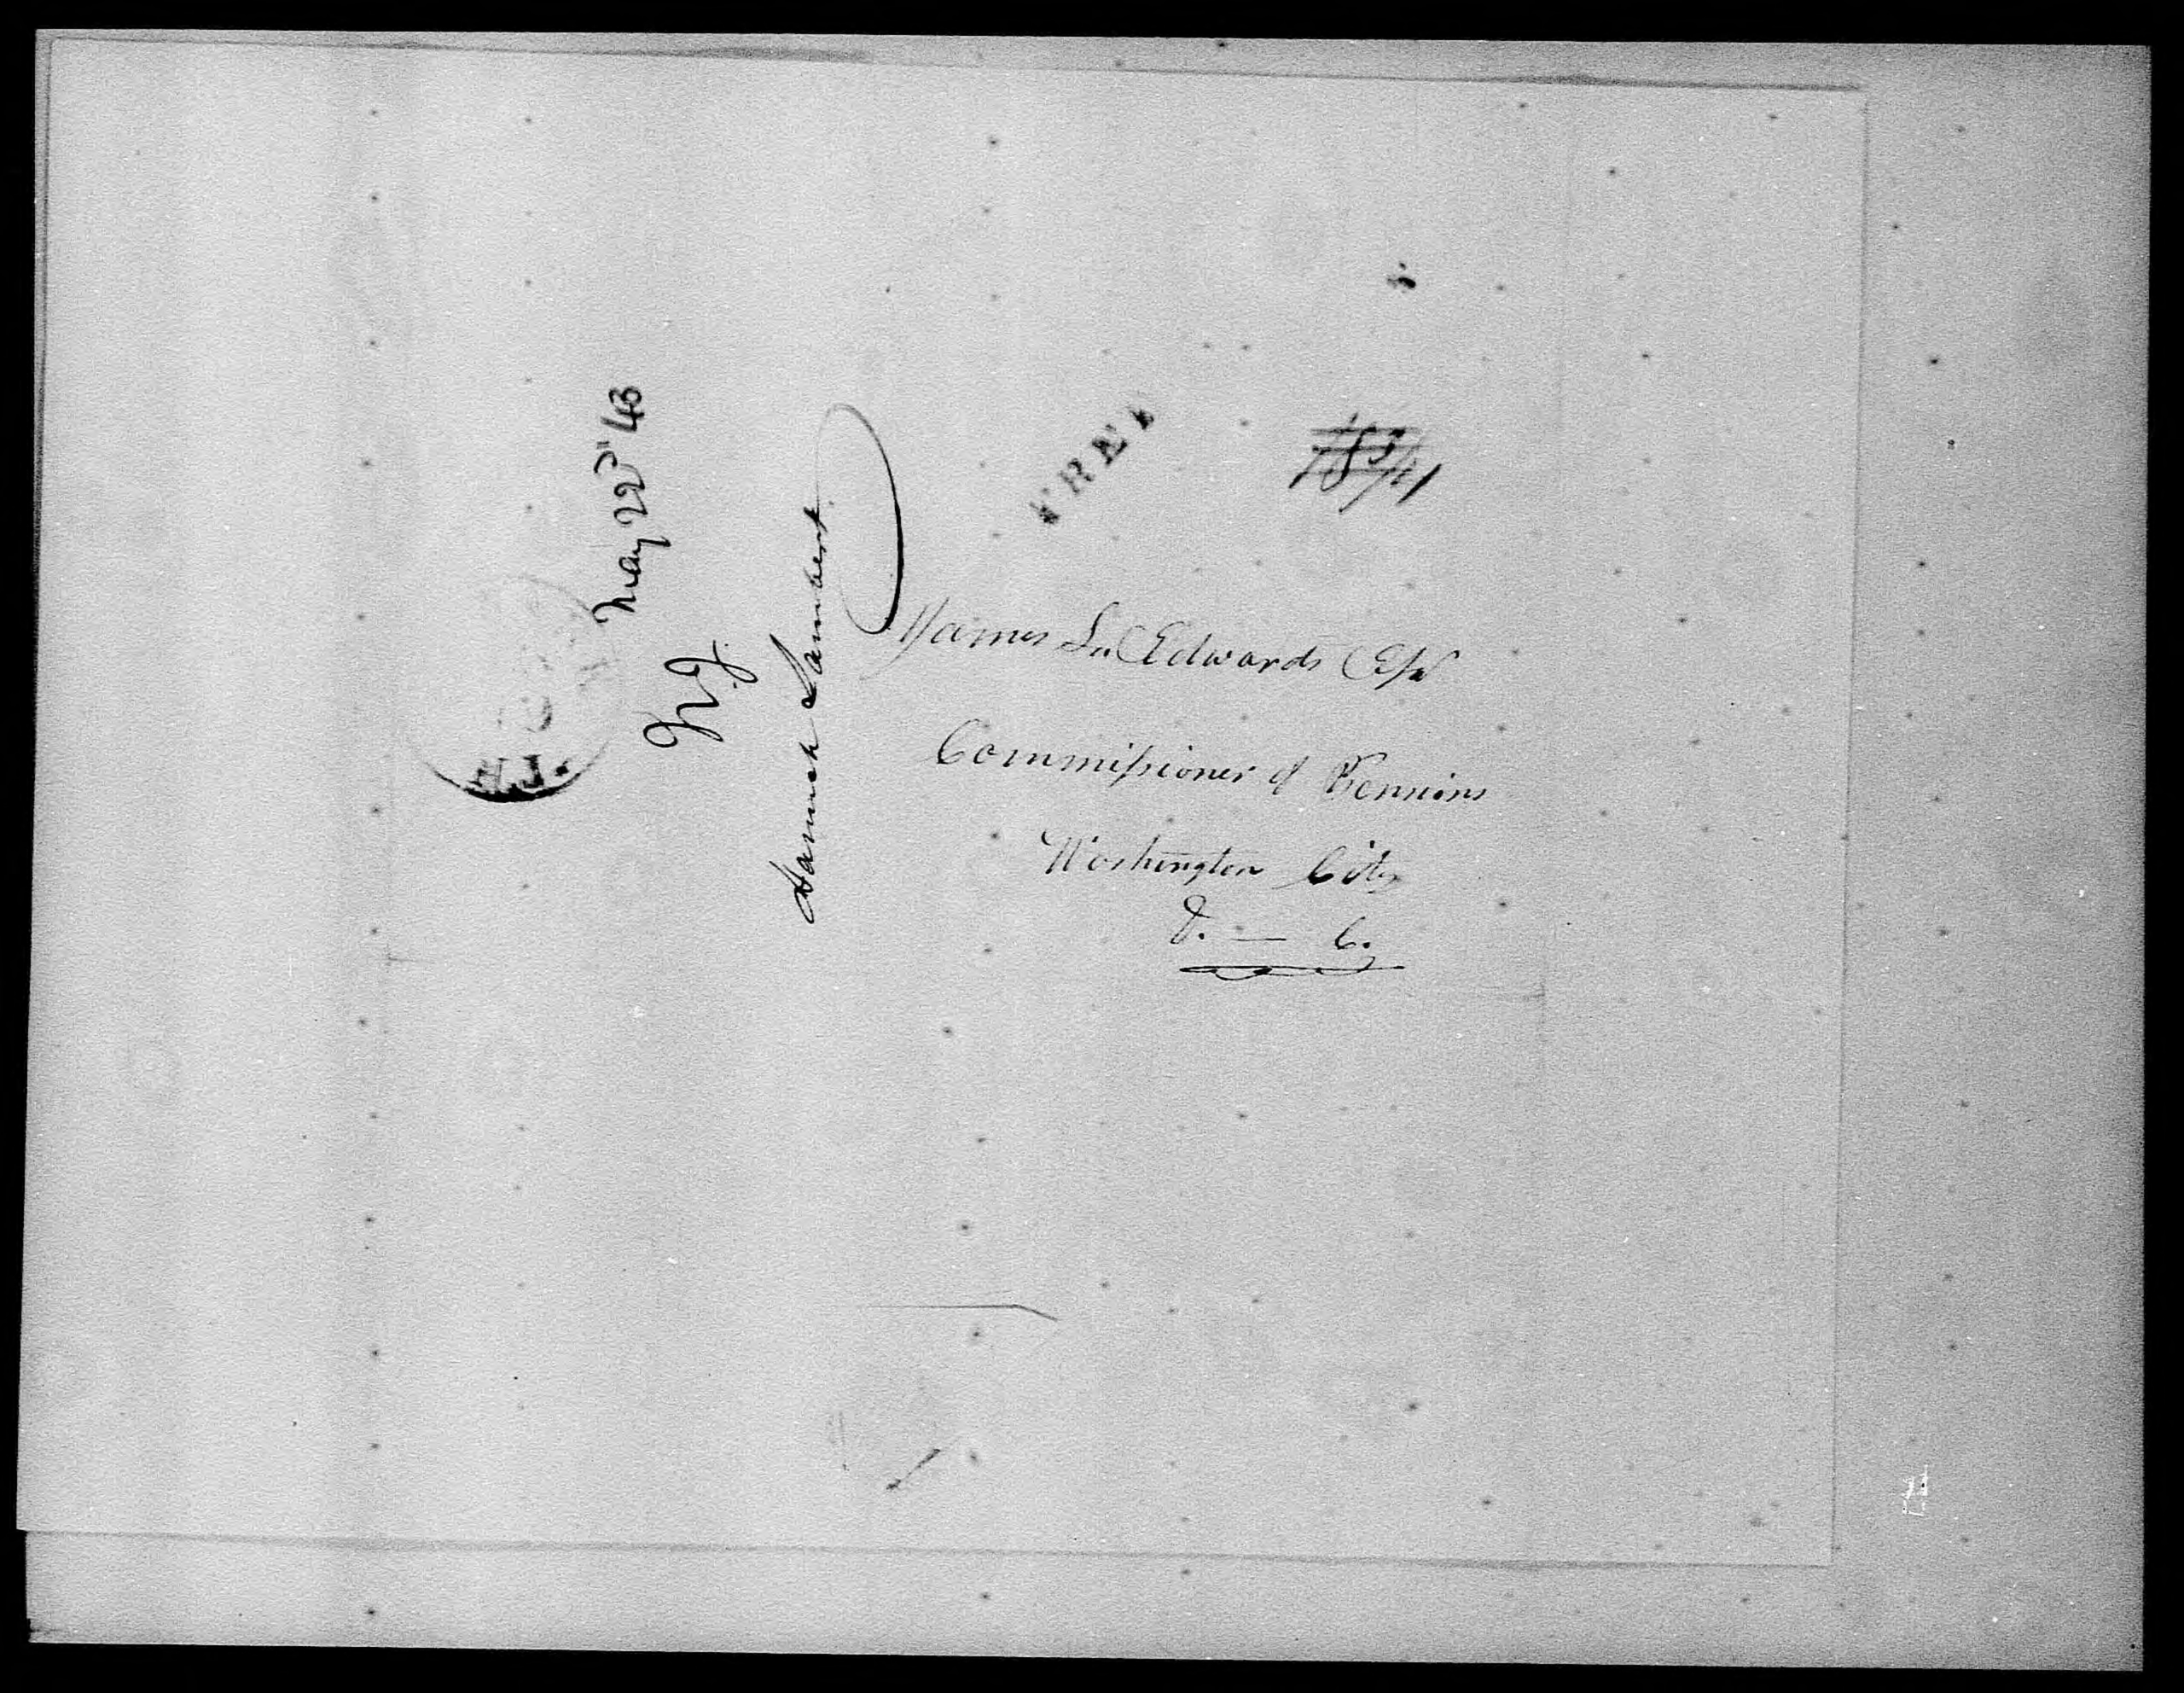FREE
James L Edwards Esq
Commissioner of Pensions
Washington City D. C.

May 22nd '43
N. J. 

Hannah Lambert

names: Hannah Lambert; James L Edwards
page: 44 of 49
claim: widow's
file: W. 859, for James Lambert, New Jersey